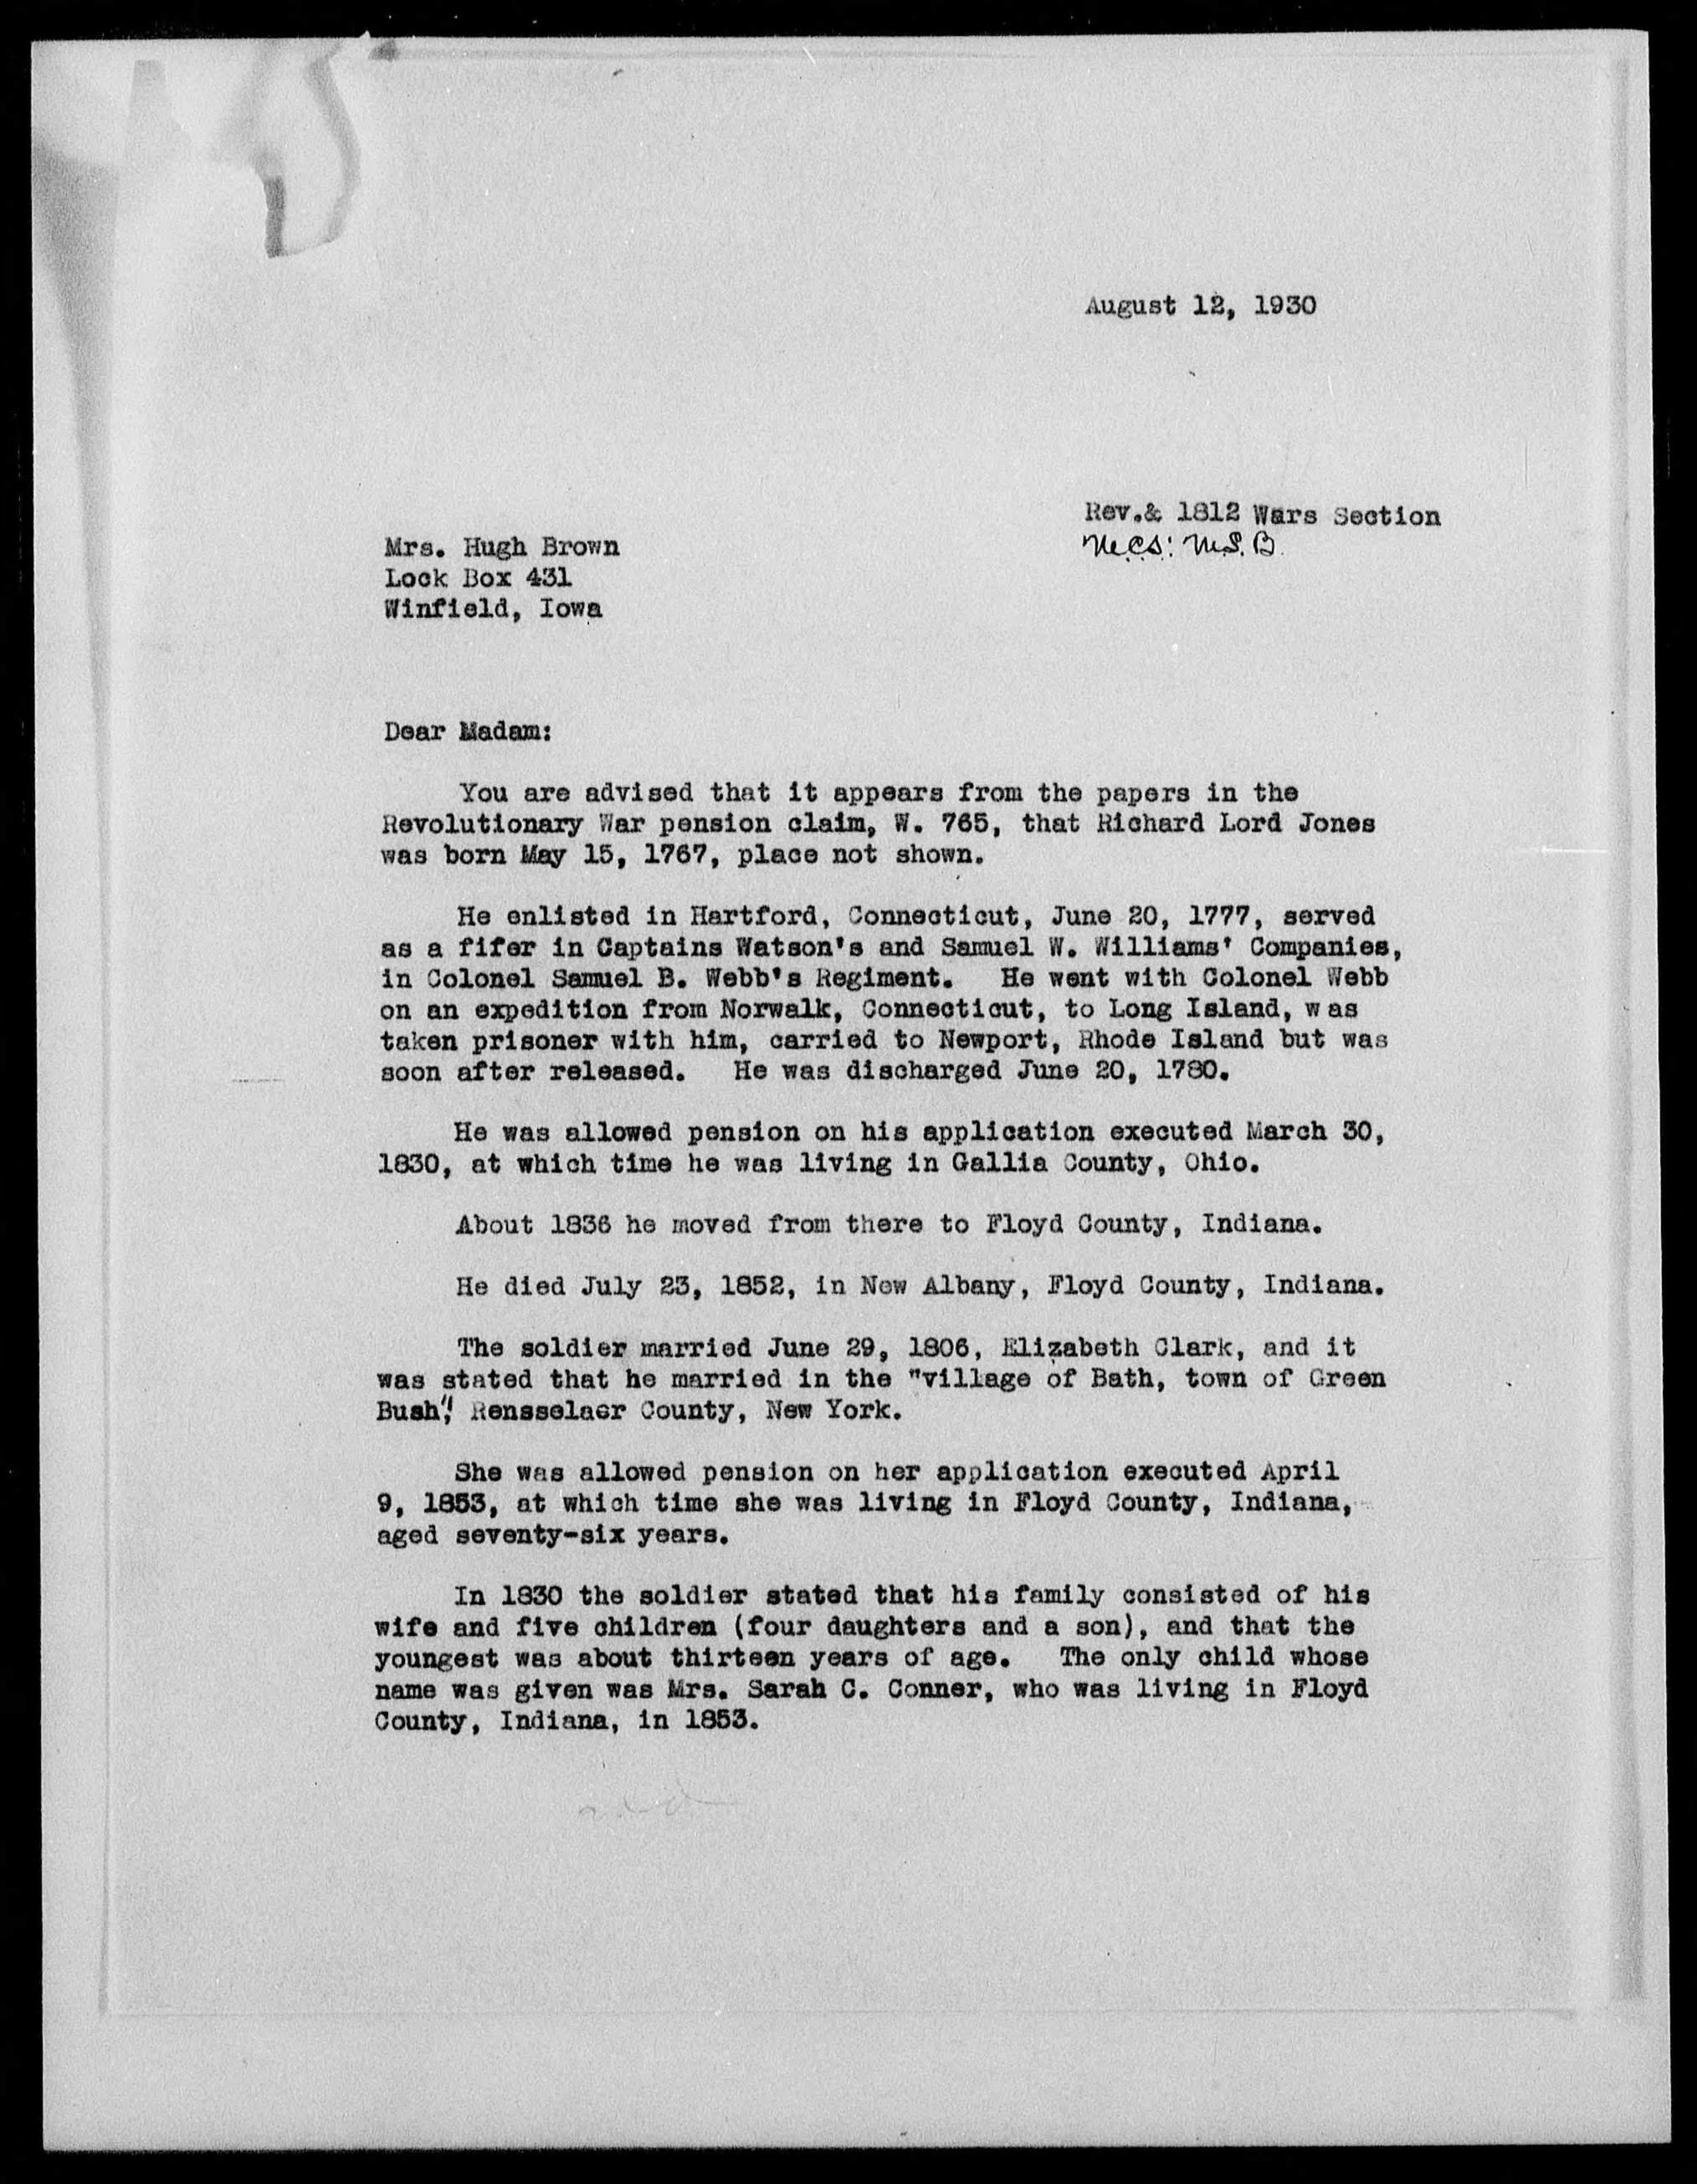August 12, 1930
Mrs. Hugh Brown
Lock Box 431
Winfield, Iowa

August 12, 1930
Rev. & 1812 Wars Section
M.C.S: M.S.B.
Dear Madam:
You are advised that it appears from the papers in the Revolutionary War pension claim, W. 765, that Richard Lord Jones was born May 15, 1767, place not shown. He enlisted in Hartford, Connecticut, June 20, 1777, served
as a fifer in Captains Watson's and Samuel W. Williams' Companies, in Colonel Samuel B. Webb's Regiment. He went with Colonel Webb
on an expedition from Norwalk, Connecticut, to Long Island, was taken prisoner with him, carried to Newport, Rhode Island but was
soon after released. He was discharged June 20, 1780.
He was allowed pension on his application executed March 30, 1830, at which time he was living in Gallia County, Ohio. About 1836 he moved from there to Floyd County, Indiana.
He died July 23, 1852, in New Albany, Floyd County, Indiana. The soldier married June 29, 1806, Elizabeth Clark, and it was stated that he married in the village of Bath, town of Green
Bush, Rensselaer County, New York. She was allowed pension on her application executed April 9, 1853, at which time she was living in Floyd County, Indiana, aged seventy-six years.
In 1830 the soldier stated that his family consisted of his wife and five children (four daughters and a son, and that the youngest was about thirteen years of age. The only child whose name was given was Mrs. Sarah C. Conner, who was living in Floyd County, Indiana, in 1853.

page: 23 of 62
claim: widow's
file: W. 765, for Richard L Jones, Connecticut